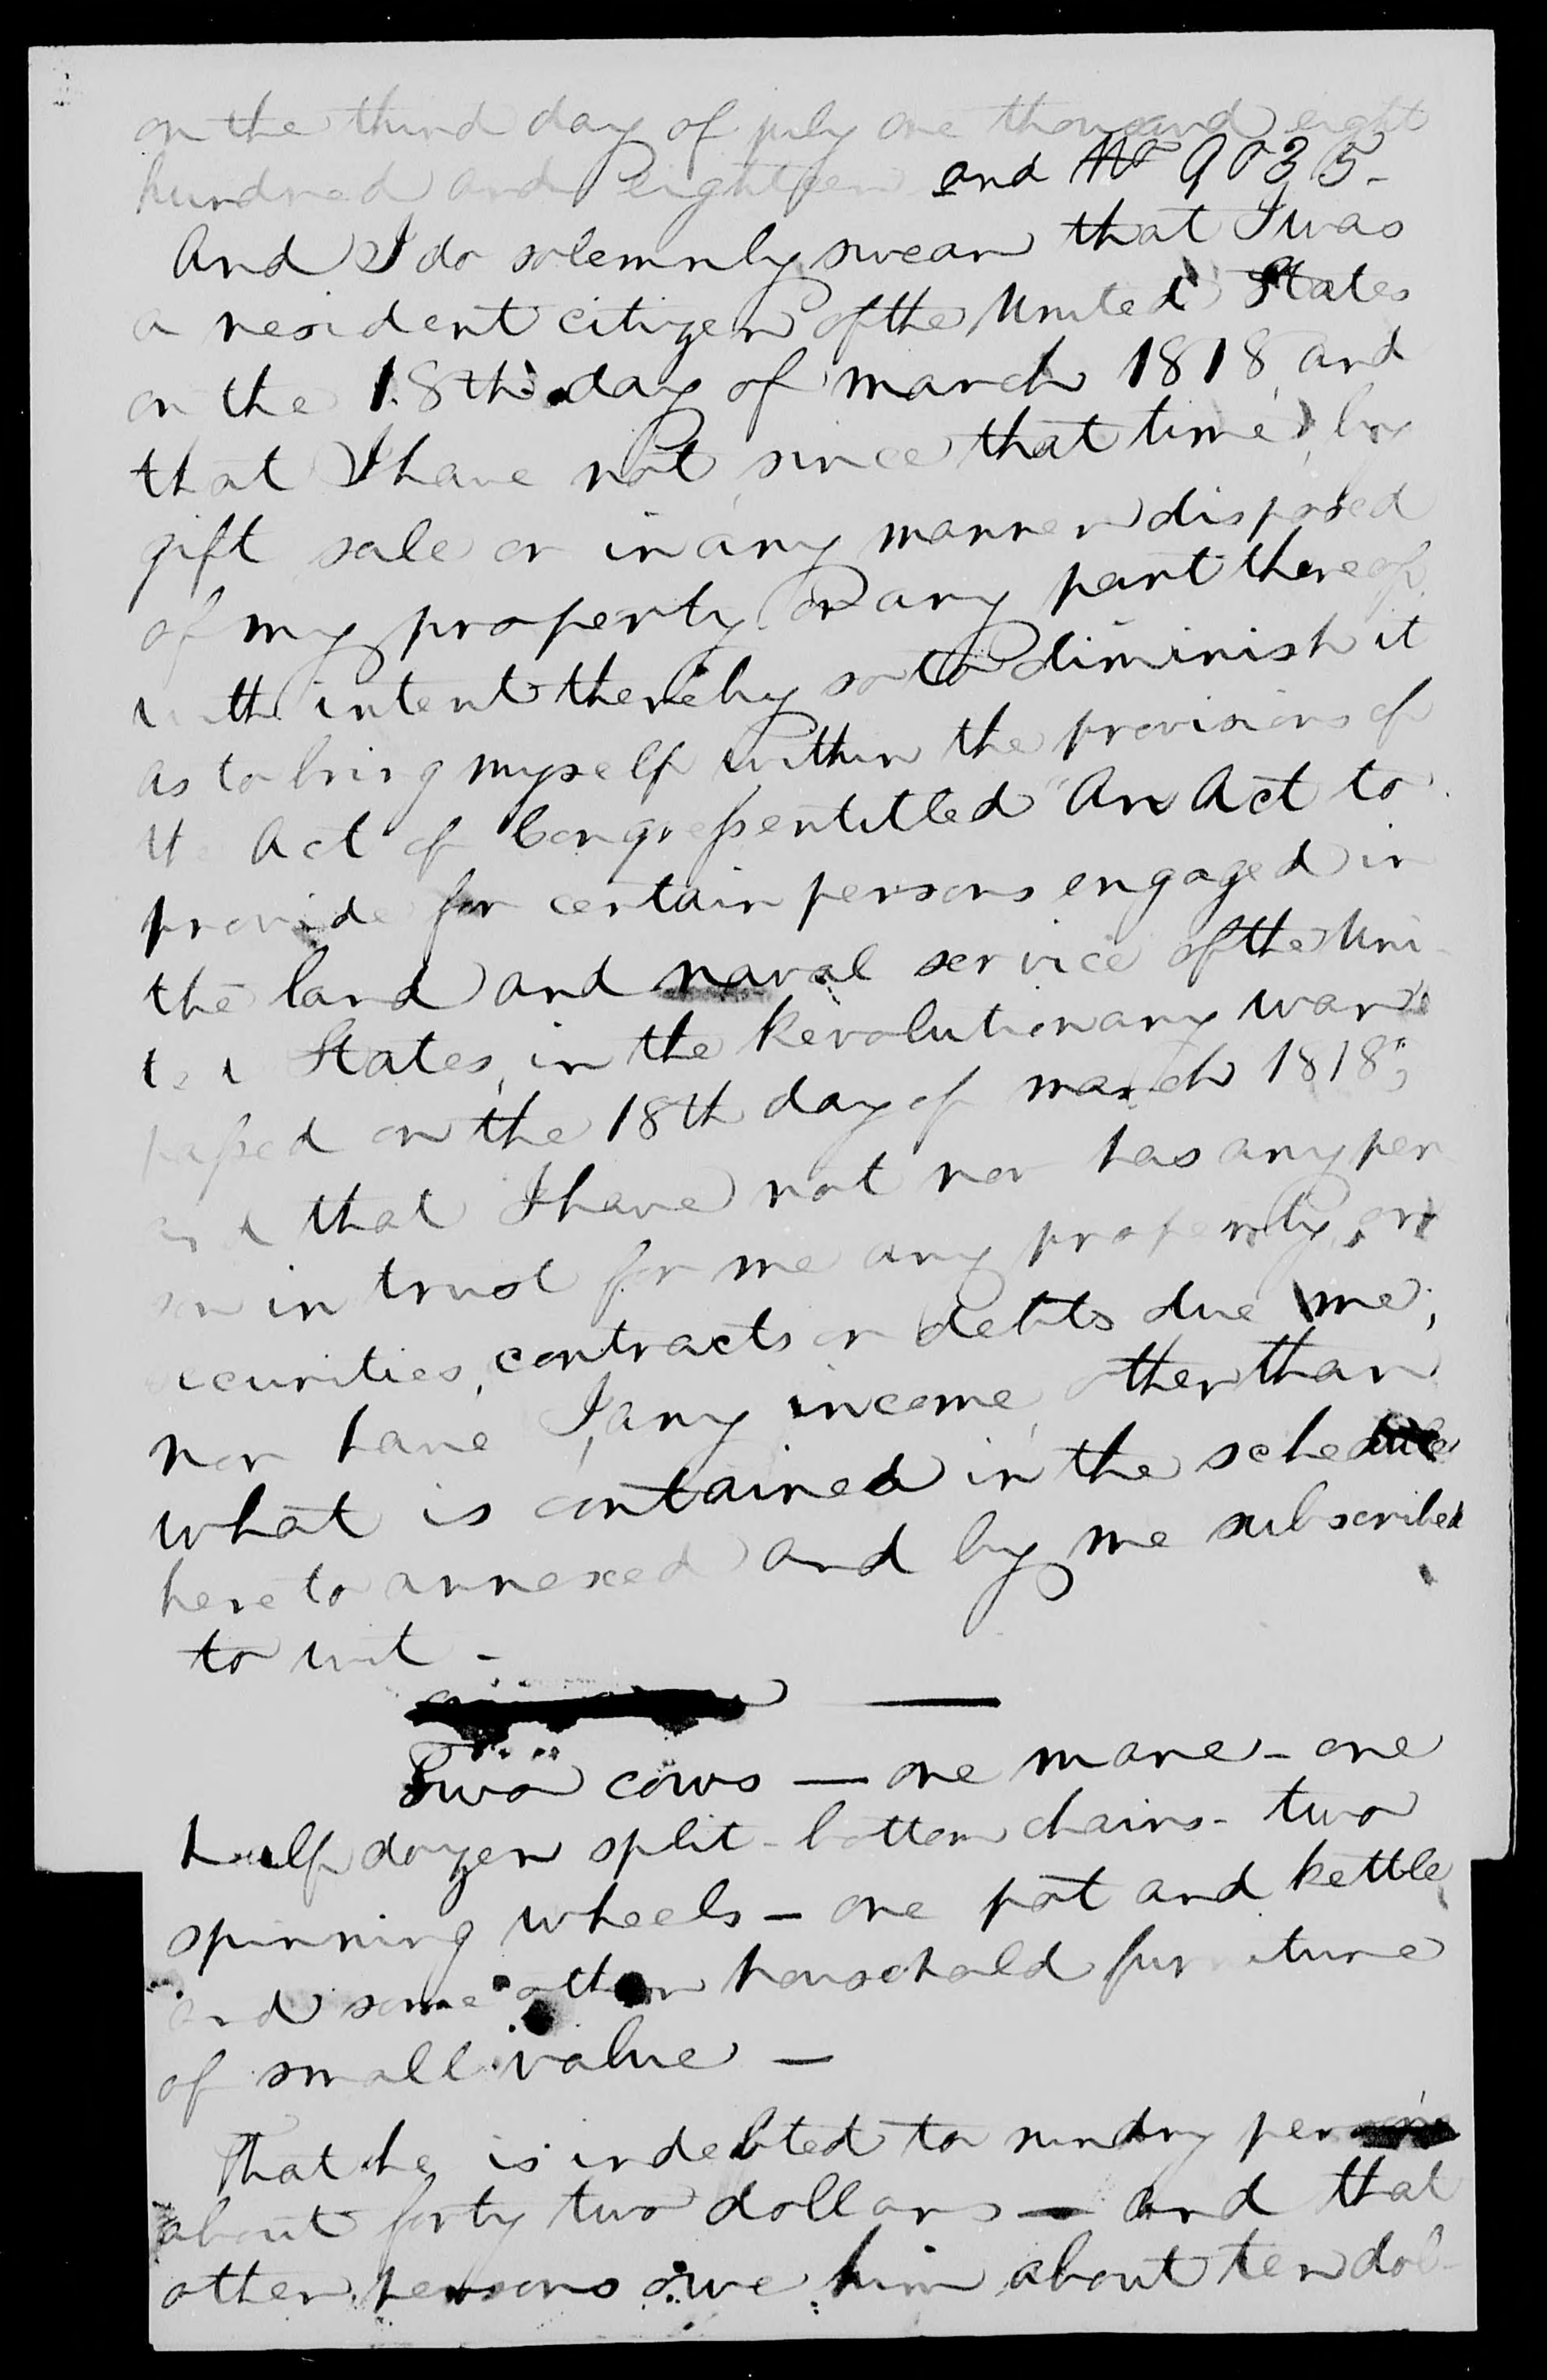on the third day of july one thousand eight hundred and eighteen and [crossed out: Ma] 9035 and I do solemnly swear that I was a resident citizen of the United States on the 18th day of March 1818 and that I have not since that time, by gift, sale or in any manner disposed of my property or any part thereof with the intent thereby so to diminish it as to bring myself within the provisions of the Act of Congress entitled "An Act to provide for certain persons engaged in the land and naval service of the 
United States, in the Revolutionary war passed on the 18th day of march 1818," and that I have not nor has any person in trust for me any property, or annuities, contracts or debts due me; nor have I any income other than what is contained in the schedule hereto annexed and by me subscribed to wit

Two cows - one mare - one half dozen split bottem chairs - two spinning wheels - one pot and kettle and some other household furniture of small value - 

That he is indebted to sundry persons about forty two dollars - and that other persons owe him about ten dol[lars]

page: 17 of 23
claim: survivor's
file: S 35903, John Dunn, Va.